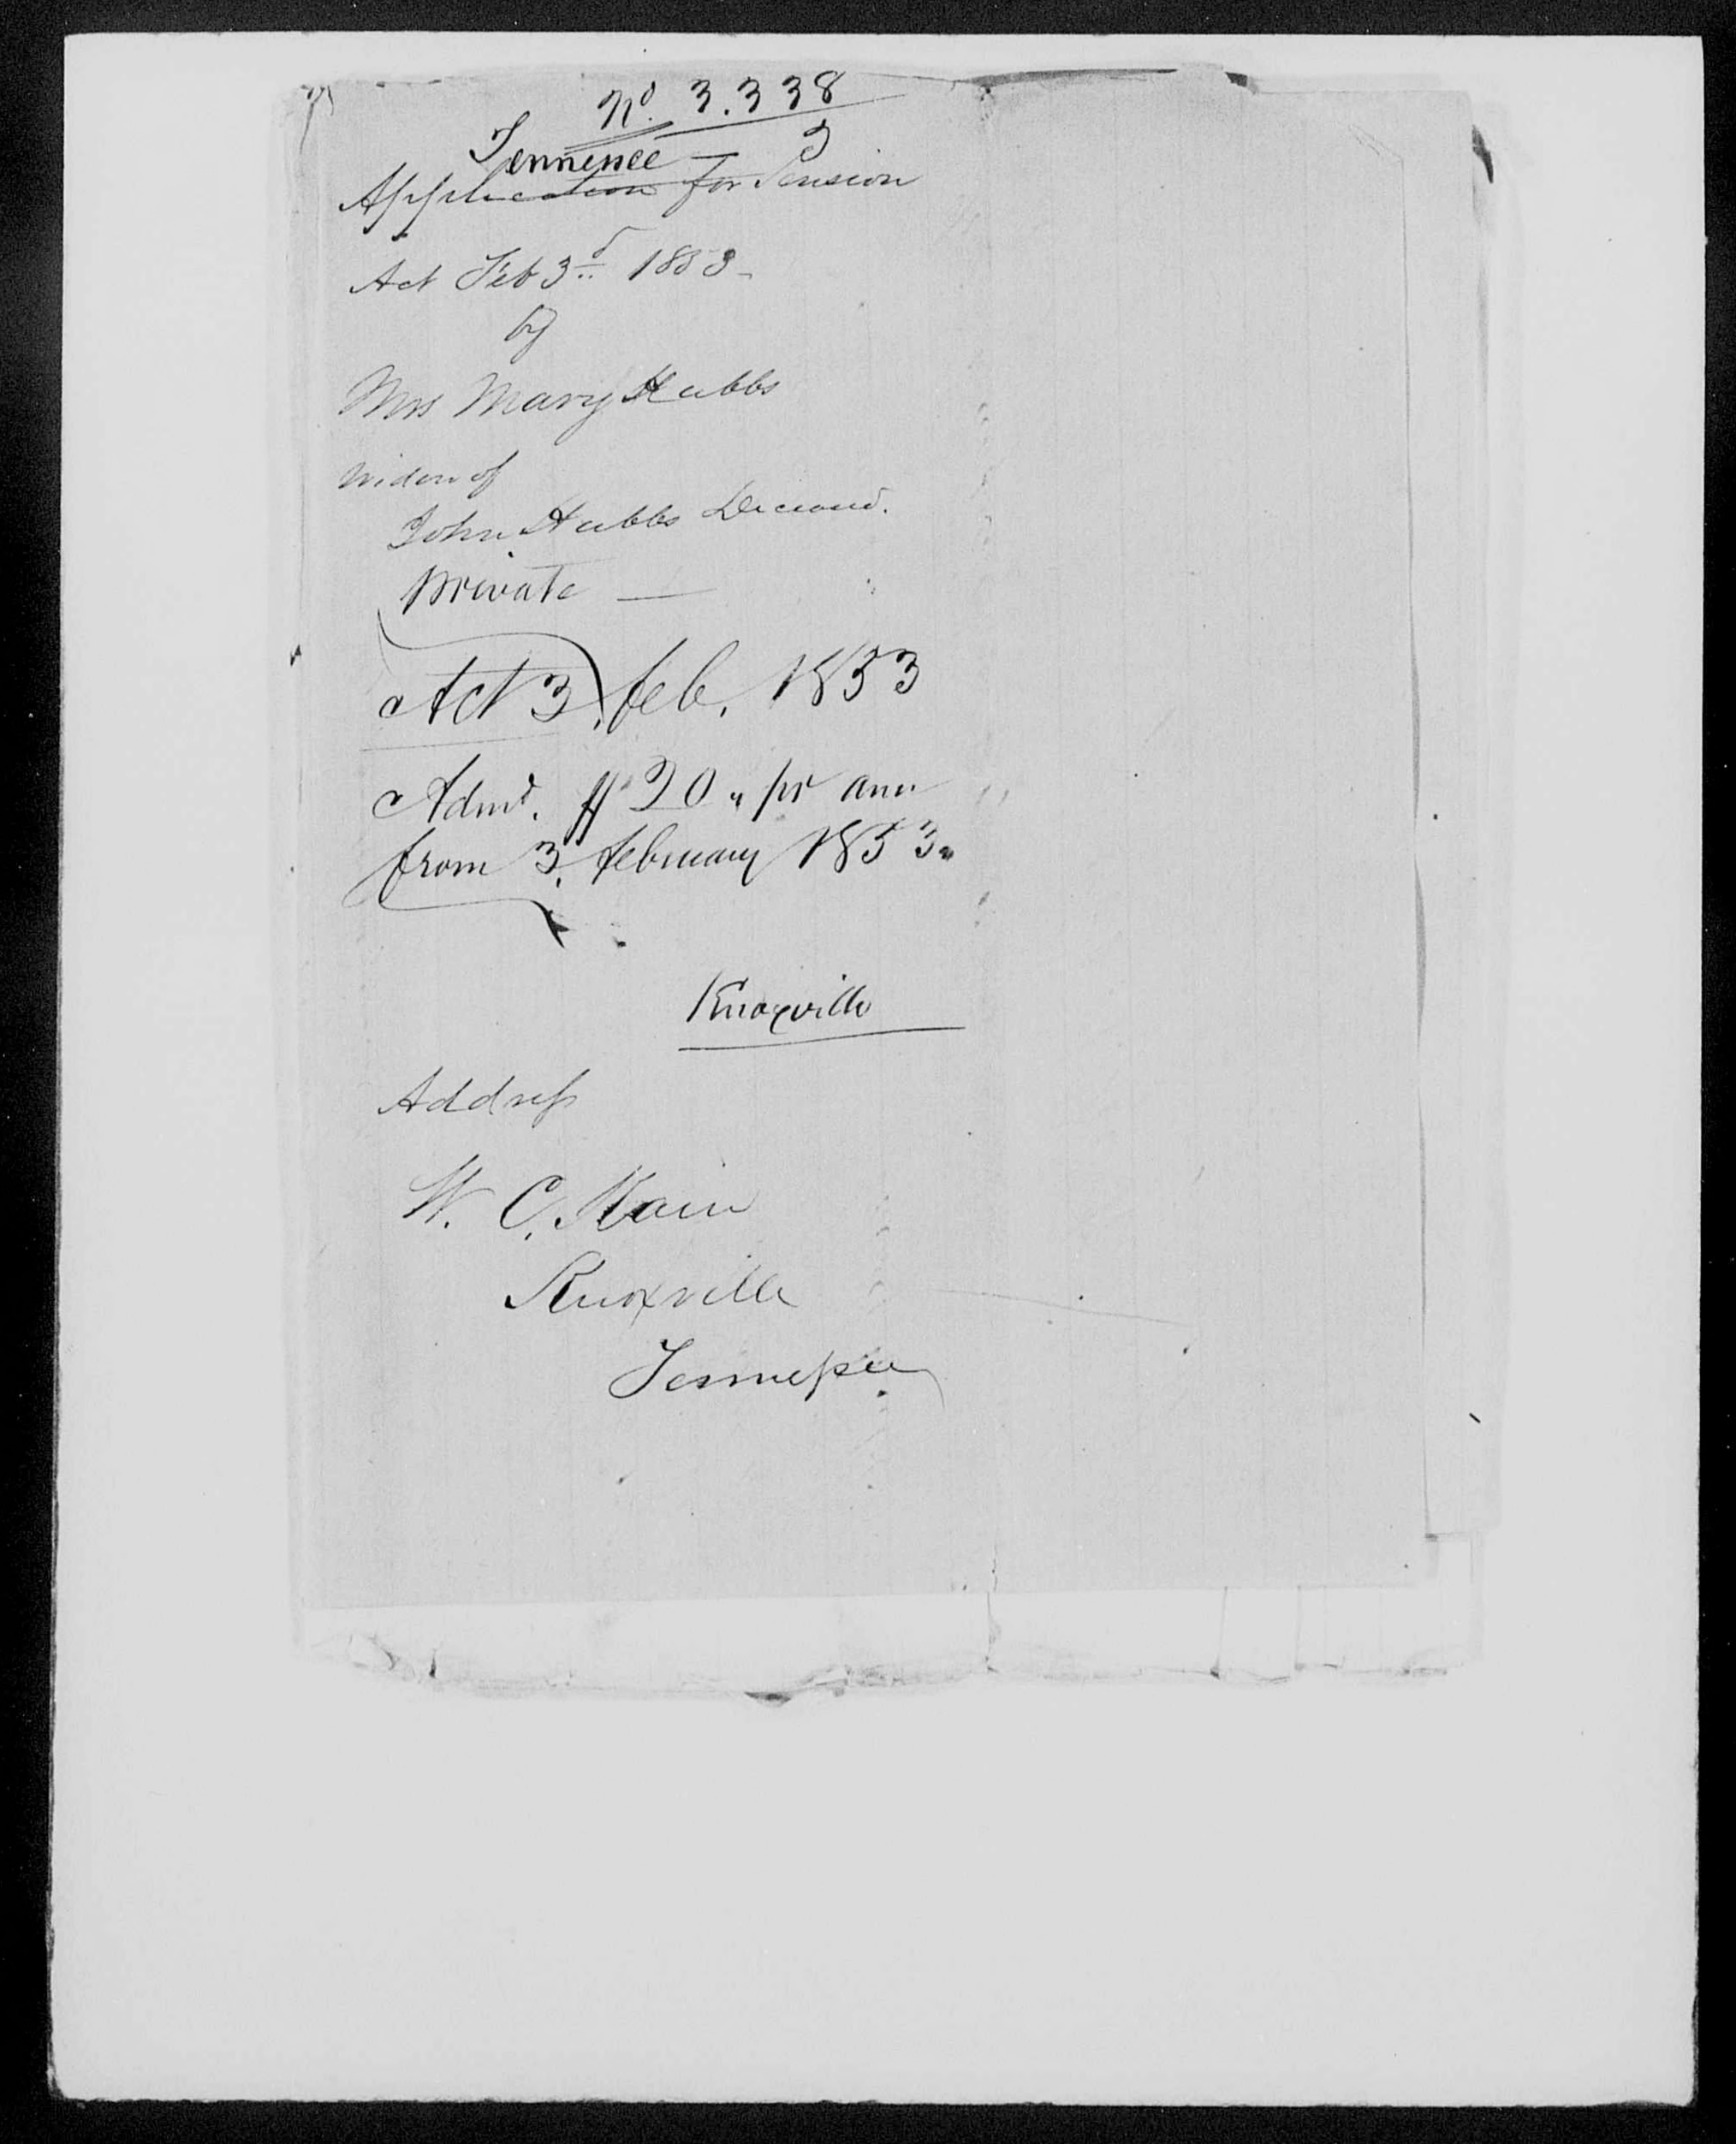No. 3.338
Tennessee
Application for Pension
Act Feb 3rd 1833
by
Mrs. Mary Hubbs
Widow of
John Hubbs Deceased
Private
Act 3 feb. 1833
Admed 11 $ 20 per ann
from 3 February 1833.

Knoxville
Address

W C Kain
Knoxville
Tennessee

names: John Hubbs, Mary Hubbs, W C Kain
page: 11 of 86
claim: widow's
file: W. 1035, John Hubbs, S.C.